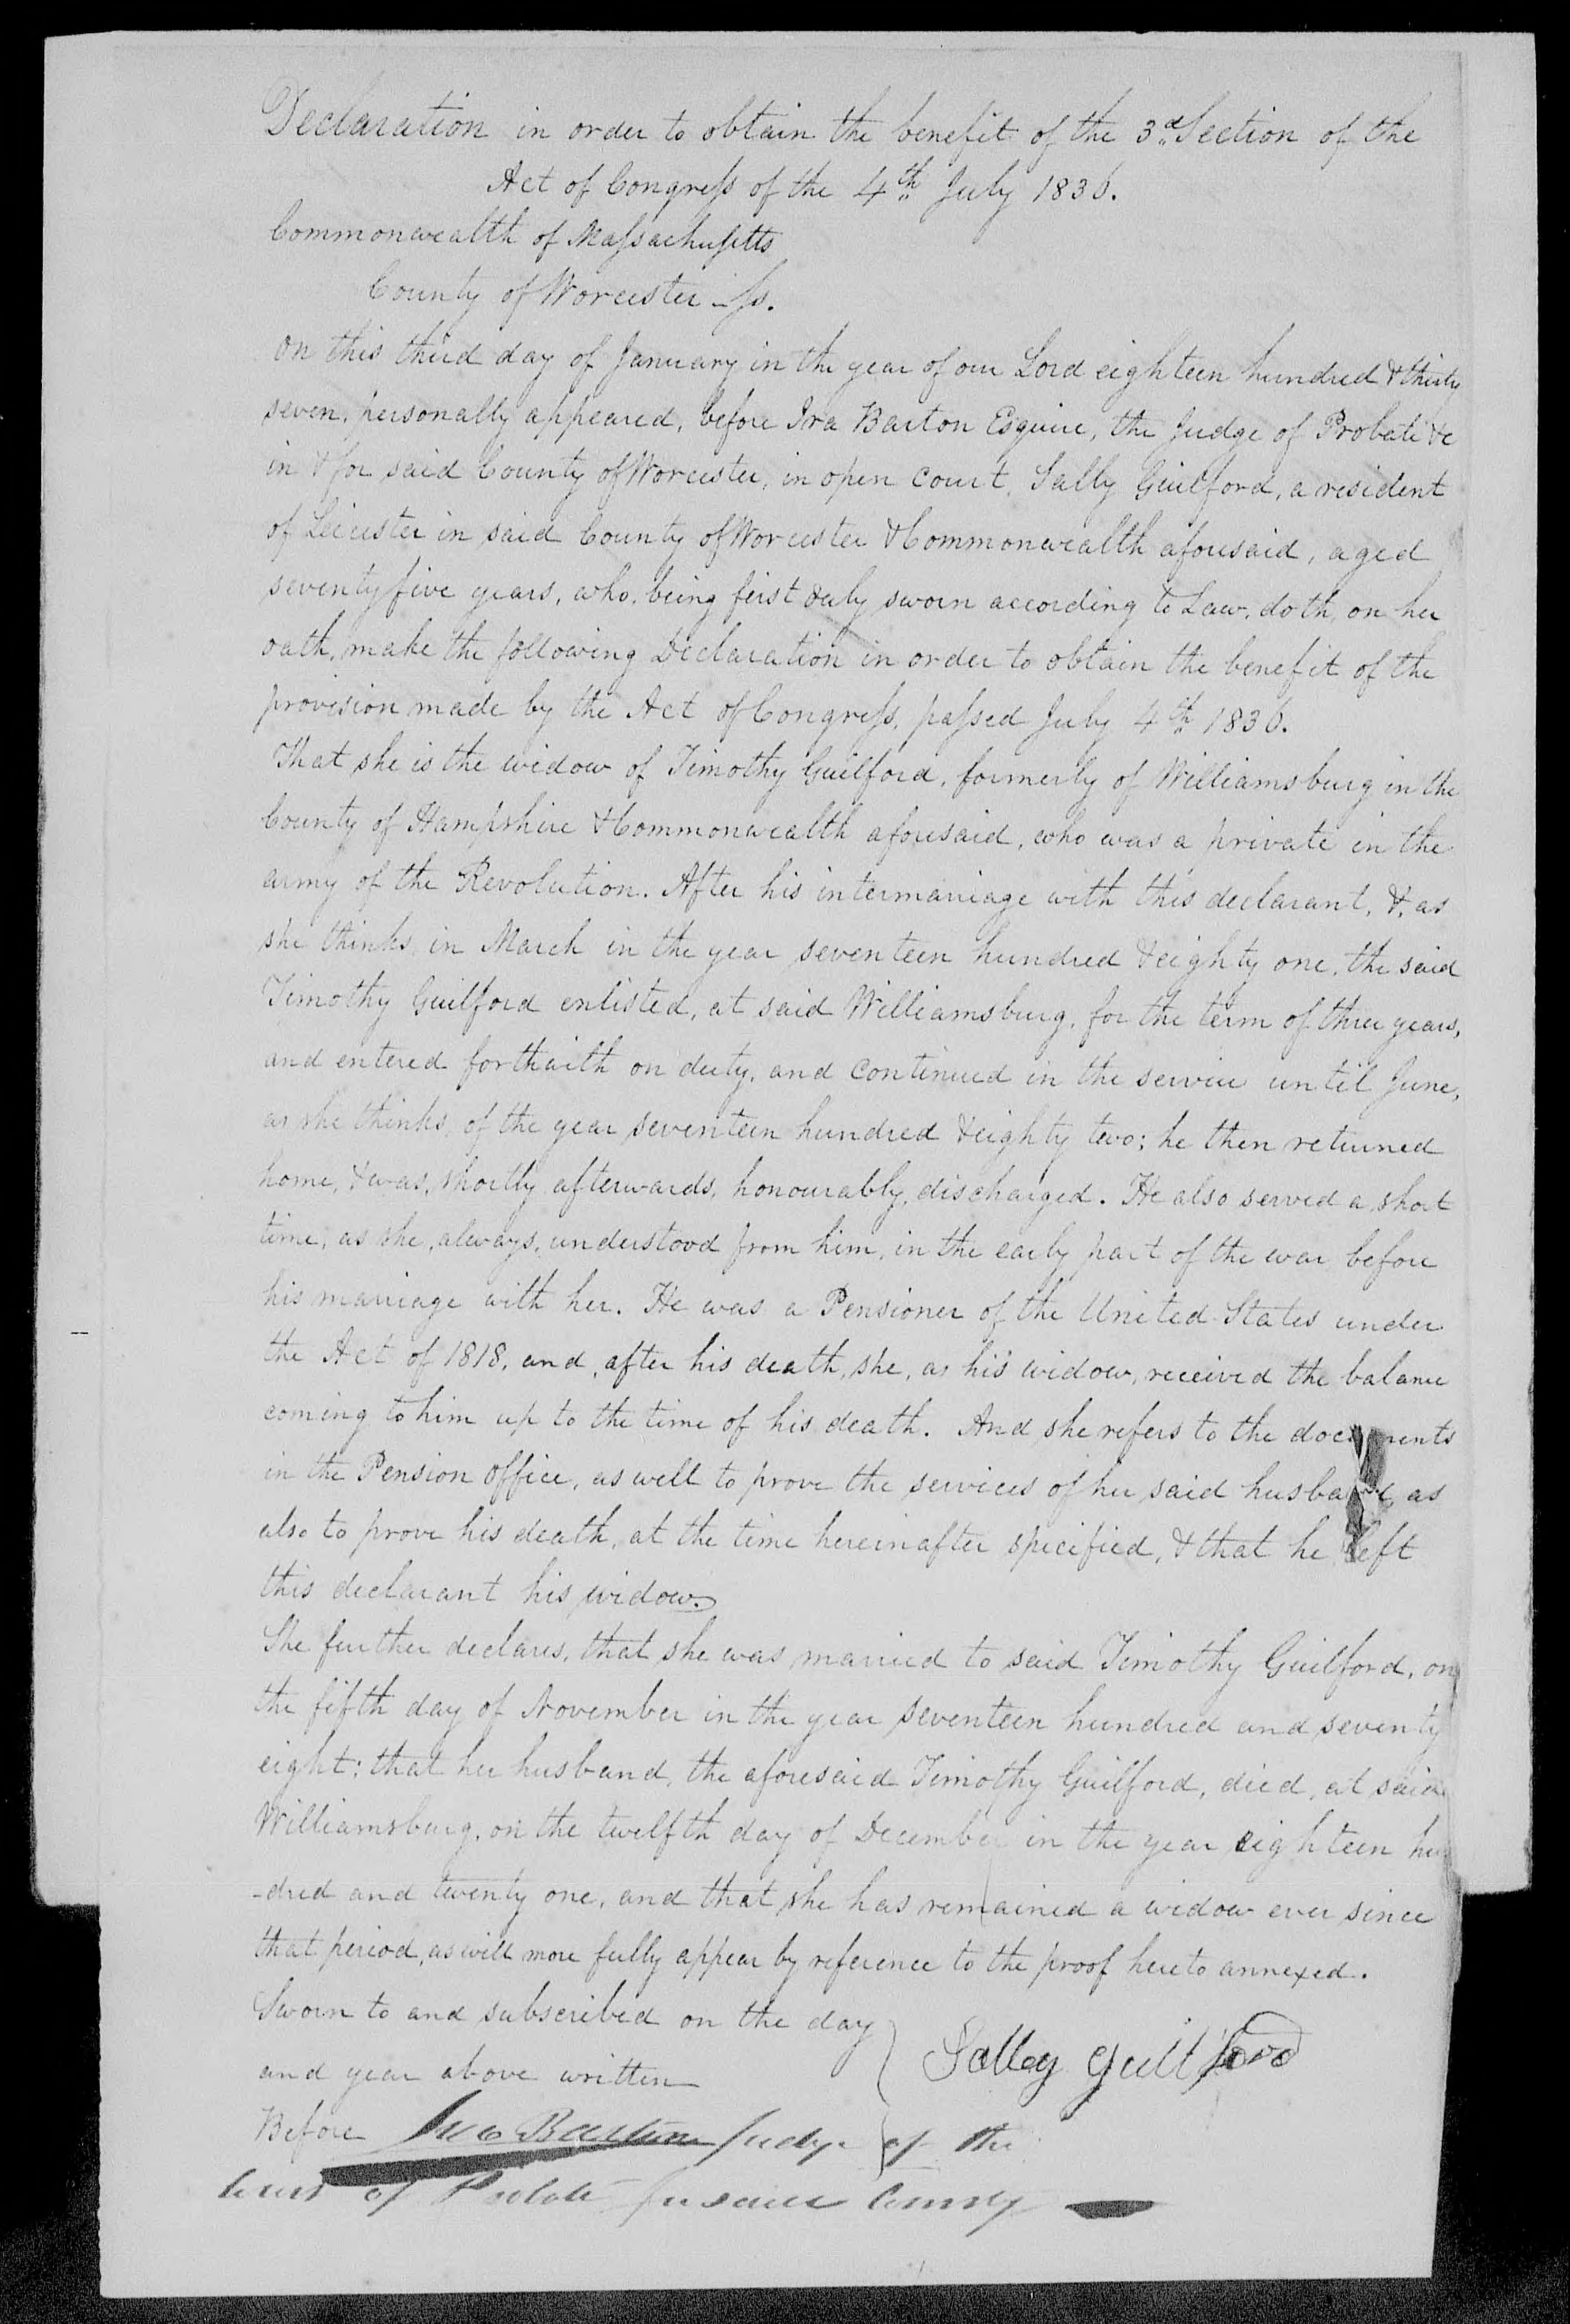Declaration in order to obtain the benefit of the 3 Section of the 

Act of Congress of the 4th July 1836

Commonwealth of Massachusetts
County of Worcester Ss

on this third day of January in the year of our Lord eighteen hundred & thirty seven, personally appeared, before Ira Barton Esquire, the Judge of Probate & in & for said County of Worcester, in open court Sally Guilford, a resident of Leicester in said County of Worcester & Commonwealth aforesaid, aged seventy give years, who being first duly sworn according to Law, doth on her oath, make the following Declaration in order to obtain the benefit of the provision made by the Act of Congress passed July 4th 1836. 

That she is the widow of Timothy Guilford, formerly of Williamsburg in the County of Hampshire & Commonwealth aforesaid, who was a private in the army of the Revolution.  After his intermarriage with this declarant, &, as she thinks in March in the year seventeen hundred & eighty one, the said Timothy Guilford enlisted at said Williamsburg for the term of three years, and entered forthwith on duty, and continued in the service until June, as she thinks of the year seventeen hundred & eighty two; he then returned home, & was, shortly afterwards, honourably discharged.  He also served a short time, as she always understood from him, in the early part of the ware before his marriage with her.  He was a Pensioner of the United States under the Act of 1818, and, after his death, she, as his widow, received the balance coming to him up to the time of his death. And she refers to the documents in the Pension office, as well to prove the services of her said husband as also to prove his death, at the time hereinafter specified, & that he left this declarant his widow.

She further declares that she was married to said Timothy Guilford on the fifth day of November in the year seventeen hundred and seventy eight; that her husband, the aforesaid Timothy Guilford, died at said Williamsburg, on the twelfth day of December in the year eighteen hundred and twenty one, and that she has remained a window ever since that period, as will more fully appear by reference to the proof hereto annexed.  

Sworn to and subscribed on this day
and year above written [signature] Salley Guilford
before Ira Barton Judge of the Court of Probate for said County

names: Ira Barton, Timothy Guilford, Sally Guilford, Ira Barton, Timothy Guilford, Timothy Guilford, Salley Guilford, Timothy Guilford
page: 16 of 26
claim: widow's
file: W. 21,238, Timothy Guilford, Mass.